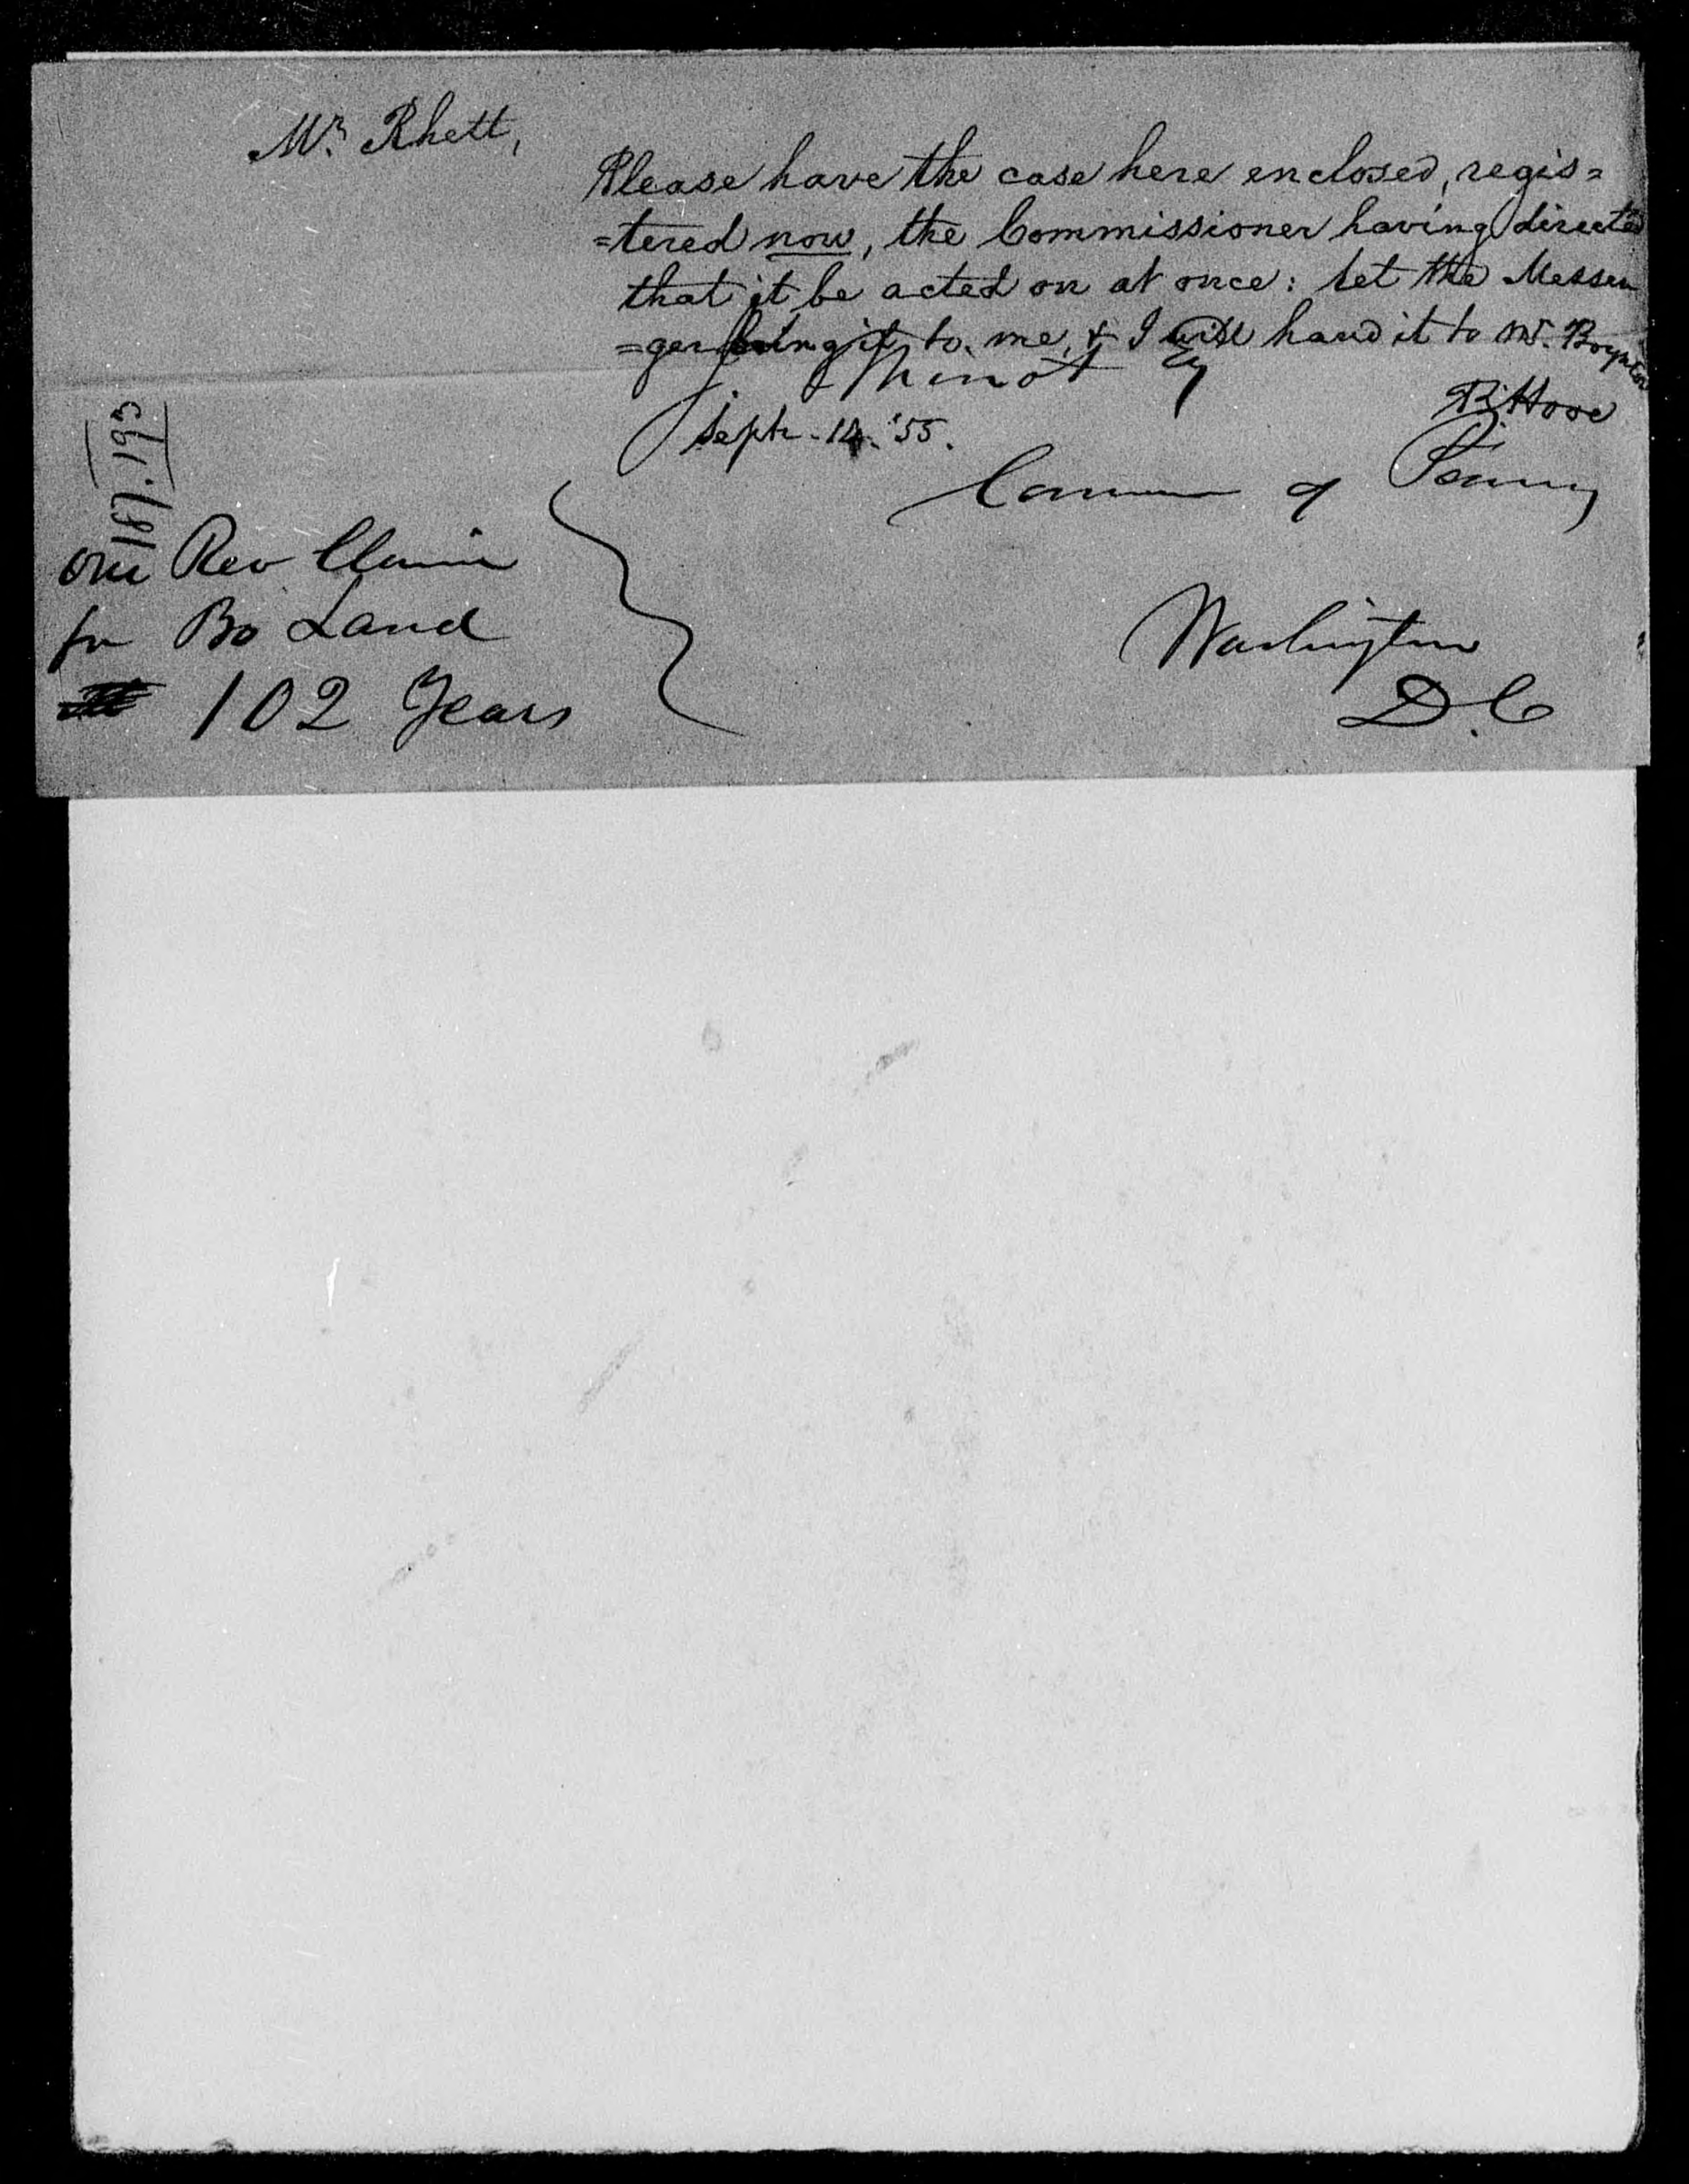Mr. Rhett,
Please have the case here enclosed, registered now, the commissioner having directed that it be acted on at once : let the messenger bring it to me & I will hand it to Mr. Boynton & Minot
Sept 14, '55 
R. Hooe
Comm of Pensions
Washington D.C.


Vertical: 187.193

One Rev Claim
for Bo Land
102 years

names: Boynton, Rhett, R Hooe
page: 47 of 82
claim: widow's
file: W. 7,522, John Giles, N.C.